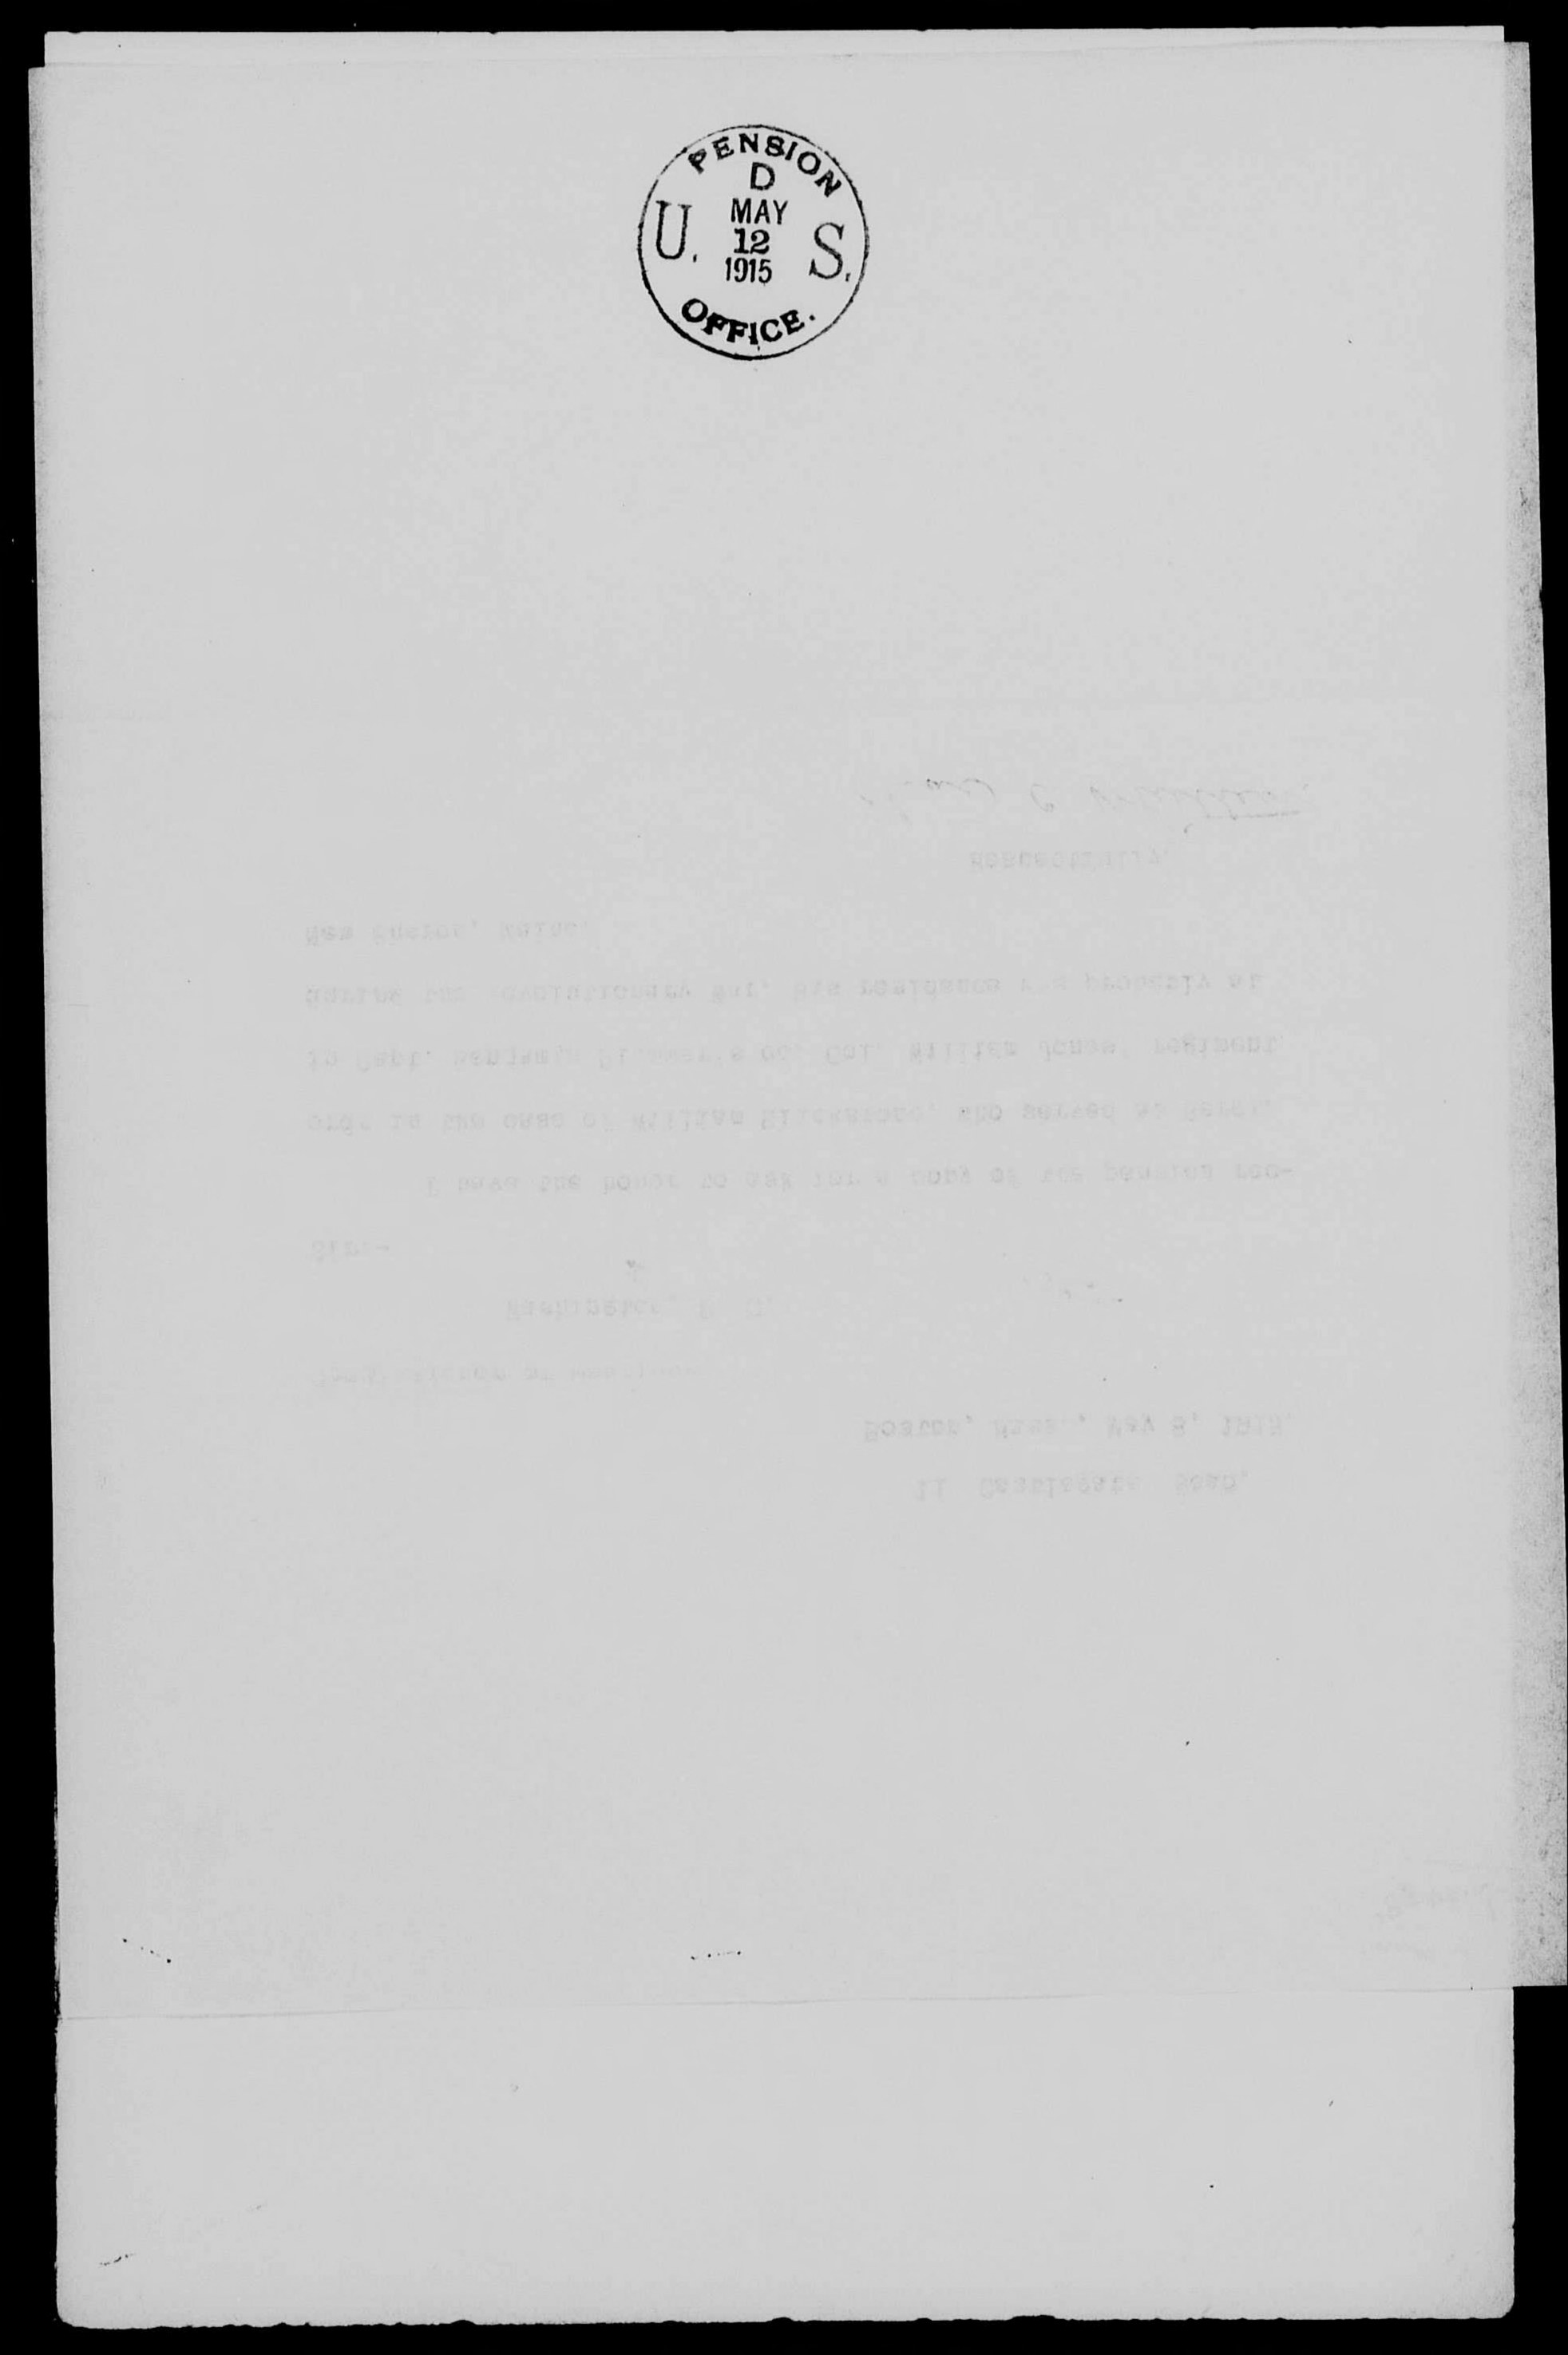[Top of page: Stamp]
PENSION
D
U.  MAY 12 1915  S.
OFFICE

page: 9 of 14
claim: survivor's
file: S. 30,869, William Blackston, Mass.